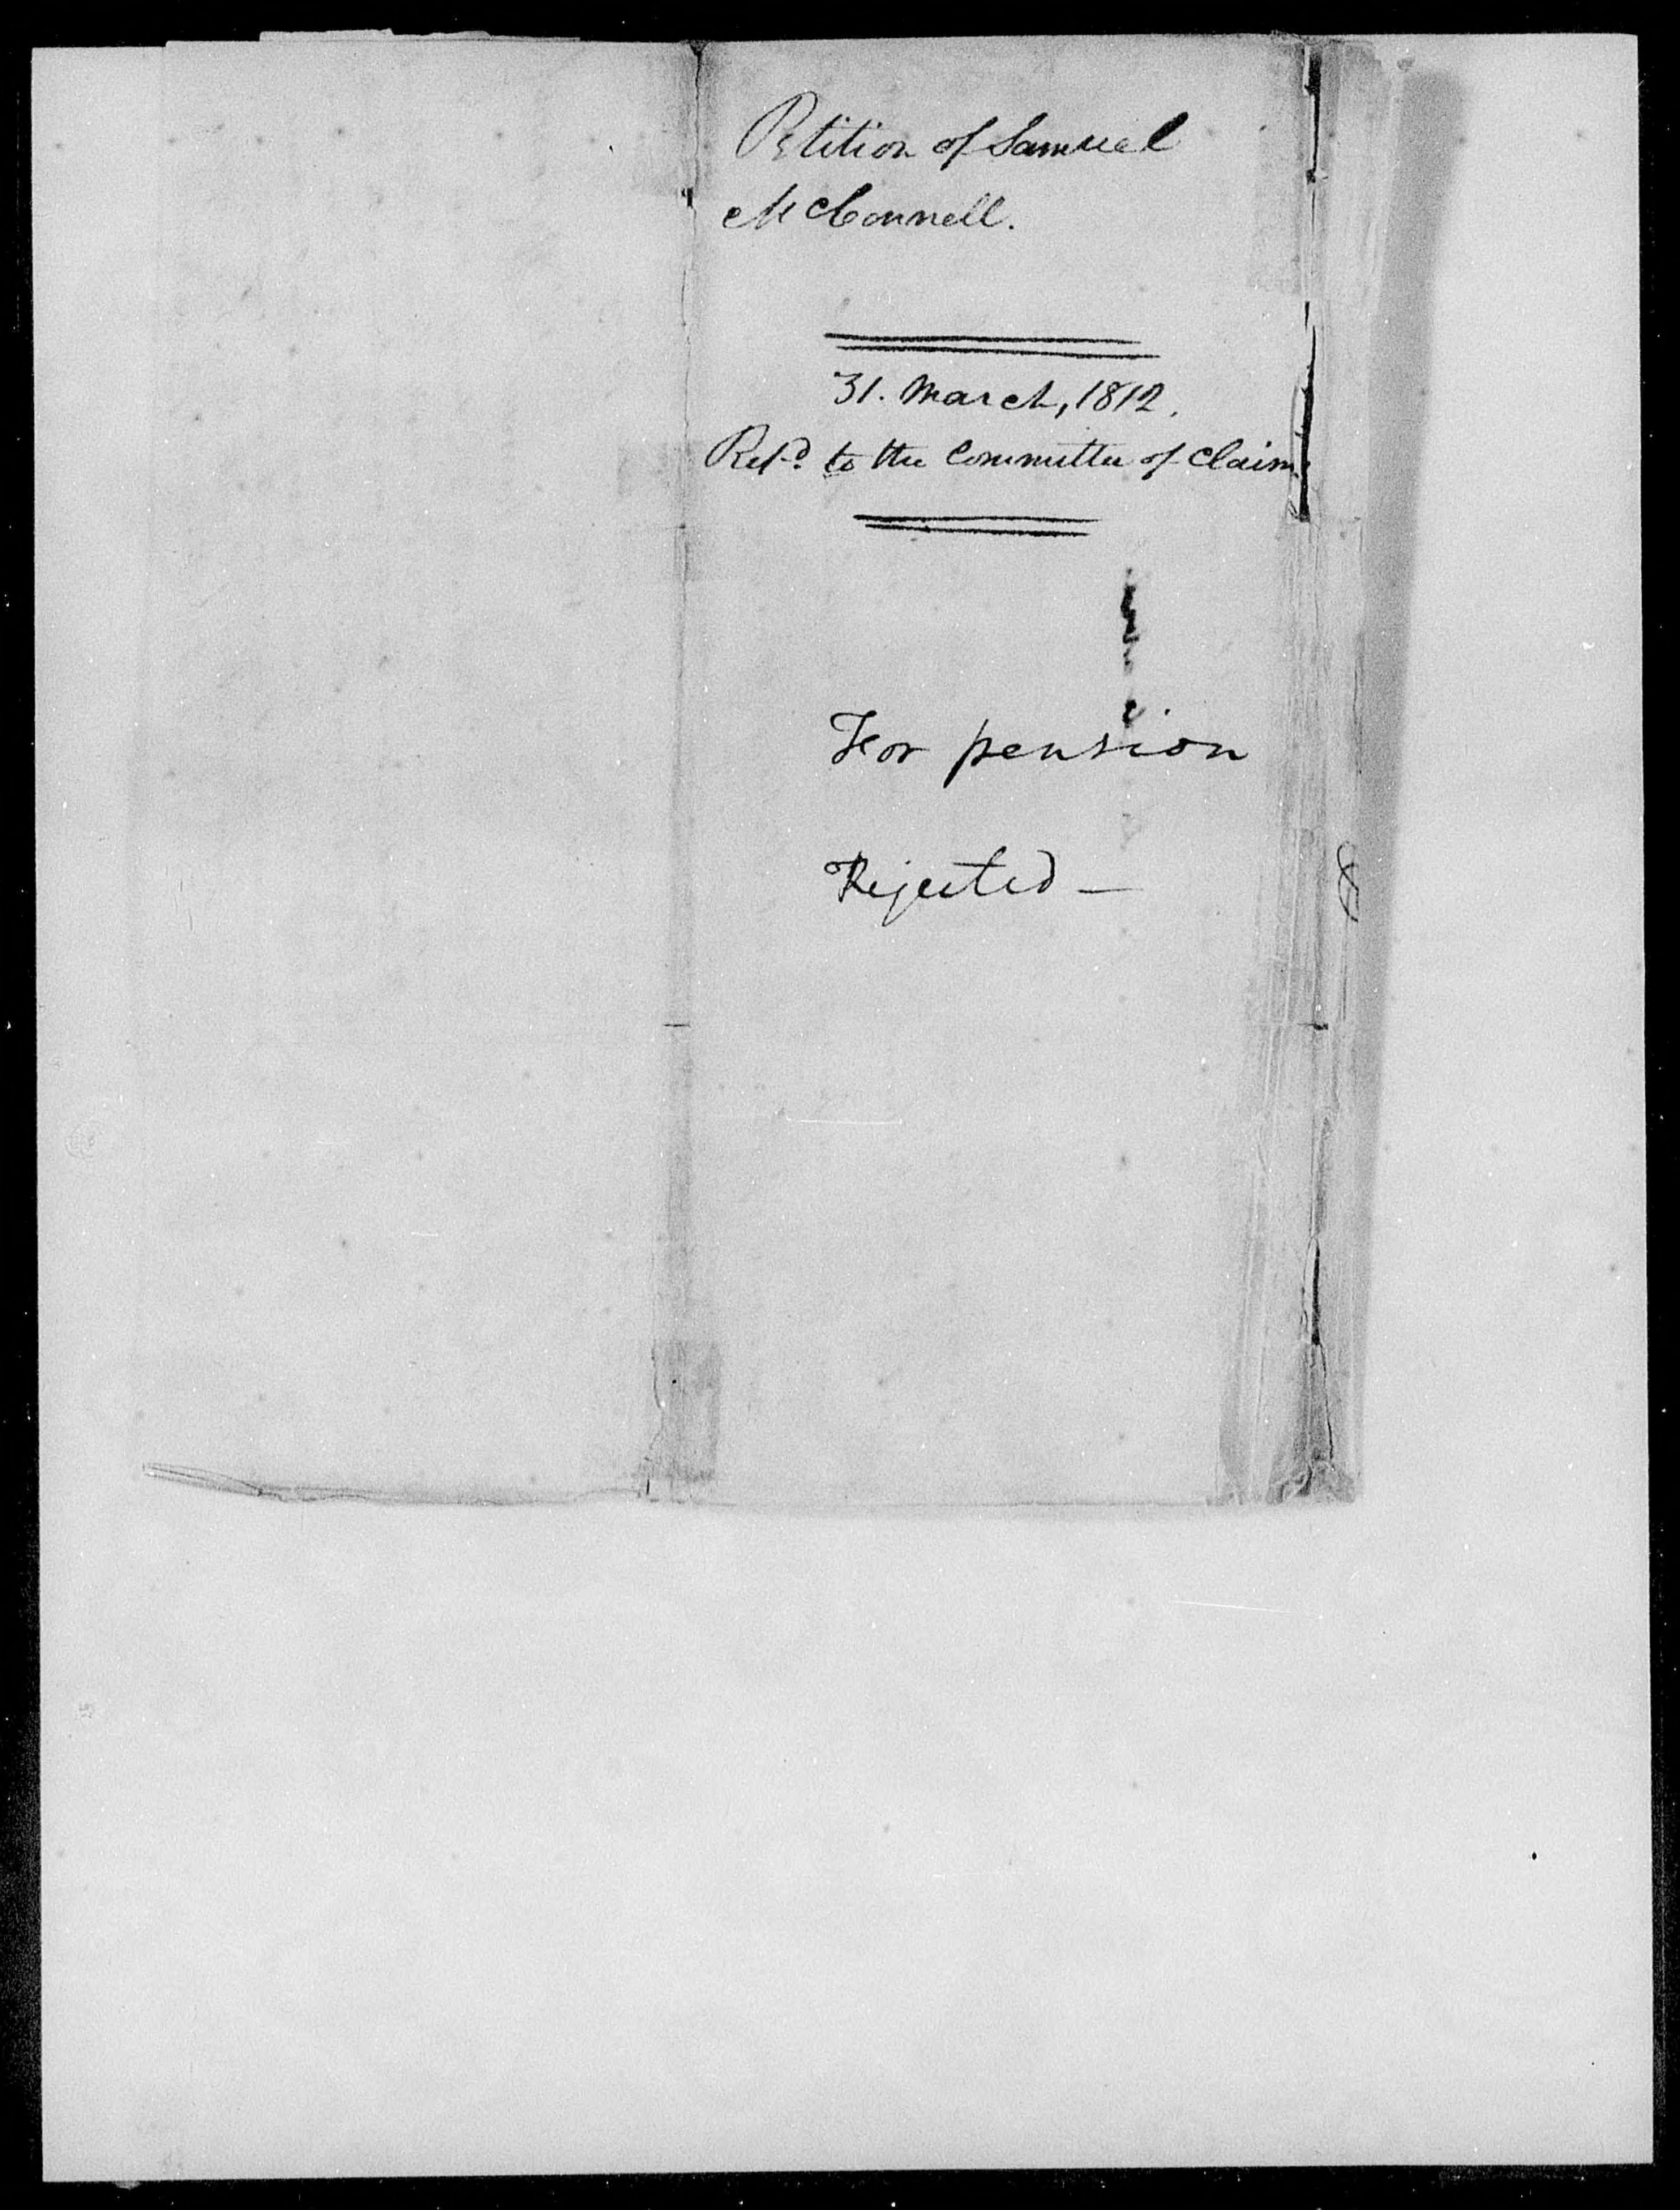Petition of Samuel McConnell
31. March, 1812.
Ret'd to the Committee of Claims
For pension
Rejected -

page: 15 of 18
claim: survivor's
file: S. 41,827, for Samuel Mc Connel, Vermont